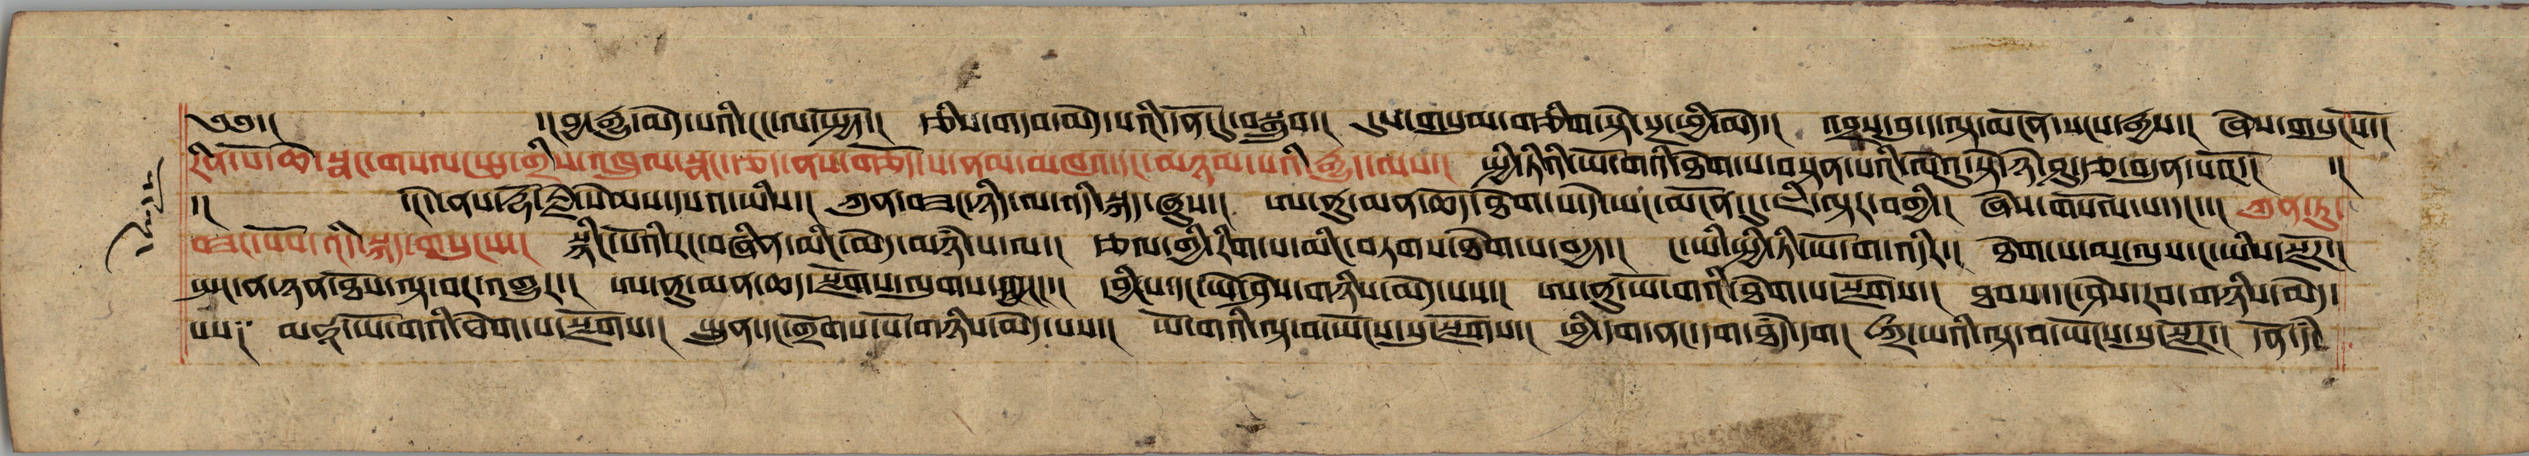༄༅་། ་།བྱ་རྒྱུ་མེད་པའི་ངང་ལ་སྤྱོད་། རྩིས་གདབ་མེད་པའི་དོན་དུ་བསྒྲུབ་། དུས་གསུམ་གཅིག་སྟེ་སྔ་ཕྱི་མེད་། འབྲས་བུ་ད་ལྟ་མངོན་སངས་རྒྱས་། ཞེས་གསུངསོ་།
རིན་པོ་ཆེ་སྣང་གསལ་སྤུ་གྲིས་འཁྲུལ་སྣང་རྩད་ནས་གཅོད་པ་ནམ་མཁའ་དང་མཉམ་པའི་རྒྱུད་ལས་། སྤྱི་ཏིའི་ཡོ་གའི་ཐེག་པ་བསྟན་པའི་ལེའུ་སྟེ་ཉེ་ཤུ་རྩ་བདུན་པའོ་།
་།དེ་ནས་རྡོ་རྗེ་སེམས་དཔའ་ཡིས་། ཀུན་བཟང་ཉིད་ལ་འདི་སྐད་ཞུས་། ཨ་ནུ་མན་ཆོད་ཐོག་པ་དེ་ཡང་མངོན་དུ་ཇི་ལྟར་བགྱི་། ཞེས་གསོལ་པ་དང་་། ཀུན་ཏུ་
བཟང་པོས་འདི་སྐད་གསུངས་། སྙིང་པོའི་རང་བཞིན་མིང་མེད་མཉཾ་པ་ལ་། རྩལ་གྱི་རིག་པ་མིང་བཏགས་ཐེག་པ་བདྱད་། ང་ཡི་སྤྱི་ཏི་ཡོ་ག་འདིར་། ཐེག་པ་མ་ལུས་ང་ཡིས་སྫོཌ་།
སྤང་ན་ཉན་ཐོས་ལྟ་བར་འགྱུར་། ཨ་ནུ་མན་ཆད་སྫོགས་ལུགས་གྱུར་་། དབྱིངས་དང་ཡེ་ཤེས་གཉིས་མེད་པས་། ཨ་ནུ་ཡོ་གའི་ཐེག་པ་སྫོགས་། ཐབས་དང་ཤེས་རབ་གཉིས་མེད་
པས༑ མ་ཧཱ་ཡོ་གའི་ཐེག་པ་སྫོགས་། སྤྲུན་དང་གྲོགས་པོ་གཉིས་མེད་པས་། ཡོ་གའི་ལྟ་བ་ཡོངས་སུ་སྫོགས་། ཕྱི་དག་ནང་དག་ཐཾད་དག། ཀྲི་ཡའི་ལྟ་བ་ཡོངས་སུ་སྫོཌ་། དོན་དཾ་